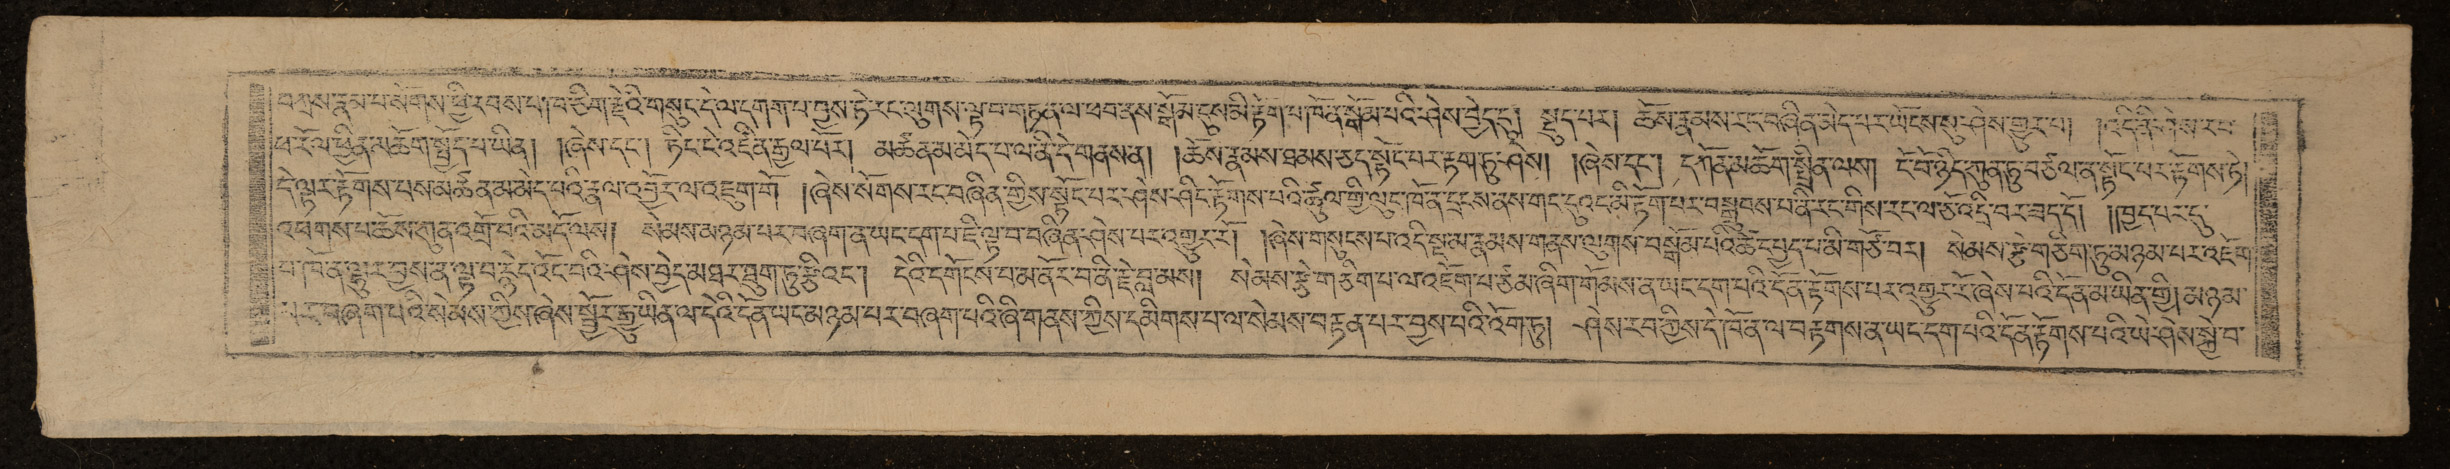བཀྲས་རྣམ་པ་སོགས་ཕྱིར་བས་པ་ཁ་ཅིག་རྗེའི་གསུང་དེ་ལ་དགག་པ་བྱས་ཏེ་རང་ལུགས་ལྟ་བ་གཏན་ལ་ཕབ་ནས་སྒོམ་དུས་མི་རྟོག་པ་ཁོ་ན་སྒོམ་པའི་ཤེས་བྱེད་དུ། སྡུད་པར། ཆོས་རྣམས་རང་བཞིན་མེད་པར་ཡོངས་སུ་ཤེས་གྱུར་པ། །འདི་ནི་ཤེས་རབ་
ཕ་རོལ་ཕྱིན་མཆོག་སྤྱོད་པ་ཡིན། །ཞེས་དང་། ཏིང་ངེ་འཛིན་རྒྱལ་པོར། མཚན་མ་མེད་པ་ལ་ནི་དེ་གནས་ན། །ཆོས་རྣམས་ཐམས་ཅད་སྟོང་པར་རྟག་ཏུ་ཤེས། །ཞེས་དང་། དཀོན་མཆོག་སྤྲིན་ལས། ངོ་བོ་ཉིད་ཀུན་ཏུ་བཙལ་ན་སྟོང་པར་རྟོགས་ཏེ།
དེ་ལྟར་རྟོགས་པས་མཚན་མ་མེད་པའི་རྣལ་འབྱོར་ལ་འཇུག་གོ །ཞེས་སོགས་རང་བཞིན་གྱིས་སྟོང་པར་ཤེས་ཤིང་རྟོགས་པའི་ཚུལ་གྱི་ལུང་ཁོ་ན་དྲངས་ནས་གང་དུའང་མི་རྟོག་པར་བསྒྲུབས་པ་ནི་རང་གིས་རང་ལ་ཅོ་འདྲི་བར་ཟད་དོ། །ཁྱད་པར་དུ་
འཕགས་པ་ཆོས་ཀུན་འགྲོ་བའི་མདོ་ལས། སེམས་མཉམ་པར་བཞག་ན་ཡང་དག་པ་ཇི་ལྟ་བ་བཞིན་ཤེས་པར་འགྱུར་རོ། །ཞེས་གསུངས་པ་འདི་སྔ་མ་རྣམས་གནས་ལུགས་བསྒོམ་པའི་ཚེ་དཔྱད་བ་མི་གཙོ་བར། སེམས་རྩེ་གཅིག་ཏུ་མཉམ་པར་འཇོག་
པ་ཁོ་ན་ལྷུར་བྱས་ན་ལྟ་བ་རྙེད་འོང་བའི་ཤེས་བྱེད་མཐར་ཐུག་ཏུ་རྩིའང་། དེའི་དགོངས་པ་མ་ནོར་བ་ནི་རྗེ་བླ་མས། སེམས་ཨུརྩེ་གཅིག་པ་ལ་འཇོག་པ་ཙམ་ཞིག་གོམས་ན་ཡང་དག་བའི་དོན་རྟོགས་པར་འགྱུར་རོ་ཞེས་པའི་དོན་མ་ཡིན་གྱི། མཉམ་
པར་བཞག་བའི་སེམས་ཀྱིས་ཞེས་སྦྱོར་རྒྱུ་ཡིན་ལ་དེའི་དོན་ཡང་མཉམ་པར་བཞག་པའི་ཞི་གནས་ཀྱིས་དམིགས་པ་ལ་སེམས་བརྟན་པར་བྱས་པའི་འོག་ཏུ། ཤེས་རབ་ཀྱིས་དེ་ཁོ་ན་ལ་བརྟགས་ན་ཡང་དག་པའི་དོན་རྟོགས་པའི་ཡེ་ཤེས་སྐྱེ་བ་